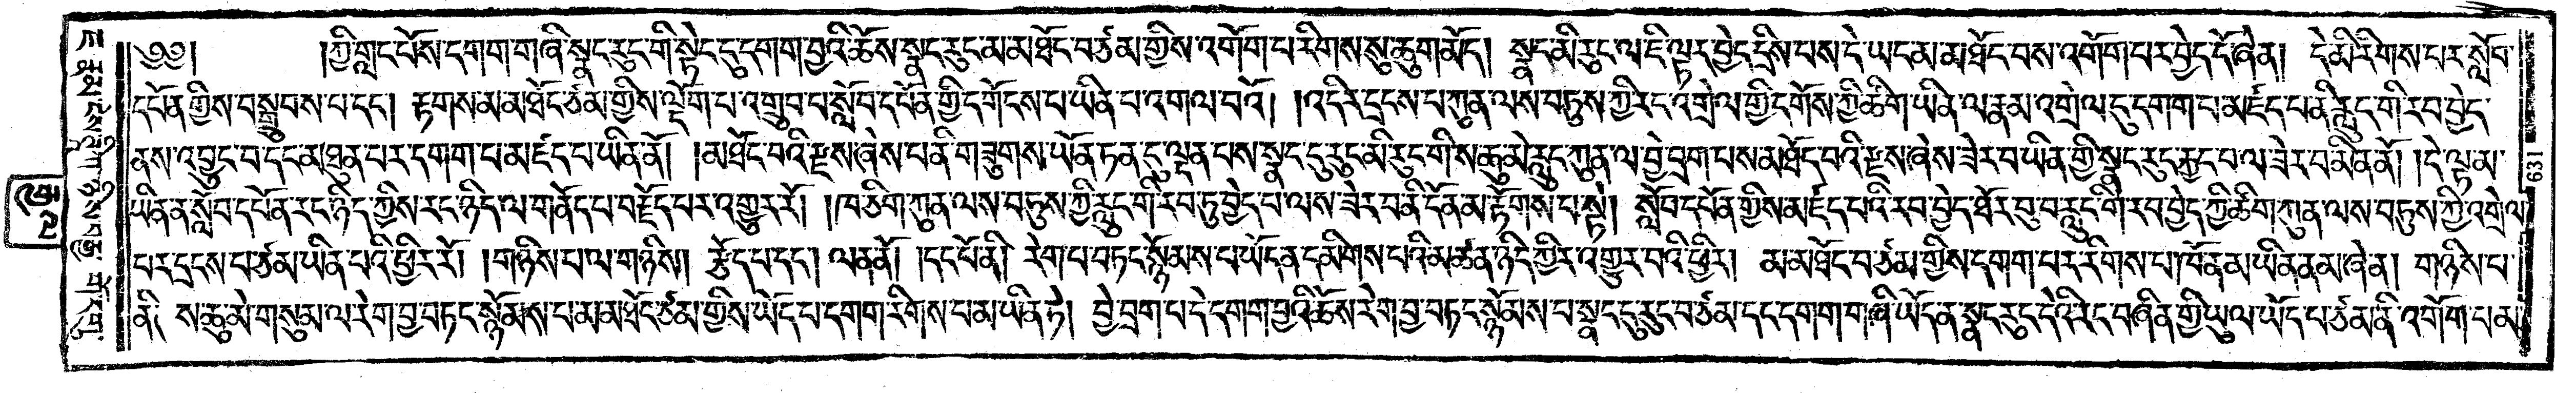༄༅། །ཀྱི་གླང་པོས་དགག་གཞི་སྣང་རུང་གི་སྟེང་དུ་དགག་བྱའི་ཆོས་སྣང་རུང་མ་མཐོང་བ་ཙམ་གྱིས་འགོག་པ་རིགས་སུ་ཆུག་མོད། སྣང་མི་རུང་ལ་ཇི་ལྟར་བྱེད་དྲིས་པས་དེ་ཡང་མ་མཐོང་བས་འགོག་པར་བྱེད་དོ་ཞེ་ན། དེ་མི་རིགས་པར་སློབ་
དཔོན་གྱིས་བསྒྲུབས་པ་དང་། རྟགས་མ་མཐོང་ཙམ་གྱིས་ལྡོག་པ་འགྲུབ་པ་སློབ་དཔོན་གྱི་དགོངས་པ་ཡིན་པ་འགལ་བའོ། །འདིར་དྲངས་པ་ཀུན་ལས་བཏུས་ཀྱི་རང་འགྲེལ་གྱི་དགོས་ཀྱི་ཚིག་ཡིན་ལ་རྣམ་འགྲེལ་དུ་དགག་པ་མཛད་པ་ནི་རླུང་གི་རབ་བྱེད་
ནས་འབྱུང་བ་དང་མཐུན་པར་དགག་པ་མཛད་པ་ཡིན་ནོ། །མཐོང་བའི་རྫས་ཞེས་པ་ནི་གཟུགས་ཡོན་ཏན་དུ་ལྡན་པས་སྣང་དུ་རུང་མི་རུང་གི་ས་ཆུ་མེ་རླུང་ཀུན་ལ་བྱེ་བྲག་པས་མཐོང་བའི་རྫས་ཞེས་ཟེར་བ་ཡིན་གྱི་སྣང་རུང་རྐྱང་བ་ལ་ཟེར་བ་མིན་ནོ། །དེ་ལྟ་མ་
ཡིན་ན་སློབ་དཔོན་རང་ཉིད་ཀྱིས་རང་ཉིད་ལ་གནོད་པ་བརྗོད་པར་འགྱུར་རོ། །ཁ་ཅིག་ཀུན་ལས་བཏུས་ཀྱི་རླུང་གི་རབ་ཏུ་བྱེད་པ་ལས་ཟེར་བ་ནི་དོན་མ་རྟོགས་པ་སྟེ། སློབ་དཔོན་གྱིས་མཛད་པའི་རབ་བྱེད་ཐོར་བུ་བ་རླུང་གི་རབ་བྱེད་ཀྱི་ཚིག་ཀུན་ལས་བཏུས་ཀྱི་འགྲེལ་
པར་དྲངས་པ་ཙམ་ཡིན་པའི་ཕྱིར་རོ། །གཉིས་པ་ལ་གཉིས། རྩོད་པ་དང་། ལན་ནོ། །དང་པོ་ནི། རེག་པ་བཏང་སྙོམས་པ་ཡོད་ན་དམིགས་པའི་མཚན་ཉིད་ཀྱིར་?་འགྱུར་བའི་ཕྱིར། མ་མཐོང་བ་ཙམ་གྱིས་དགག་པར་རིགས་པ་ཁོ་ན་མ་ཡིན་ནམ་ཞེ་ན། གཉིས་པ་
ནི། ས་ཆུ་མེ་གསུམ་ལ་རེག་བྱ་བཏང་སྙོམས་པ་མ་མཐོང་ཙམ་གྱིས་ཡོད་པ་དགག་རིགས་པ་མ་ཡིན་ཏེ། བྱེ་བྲག་པ་དེ་དགག་བྱའི་ཆོས་རེག་བྱ་བཏང་སྙོམས་པ་སྣང་དུ་རུང་བ་ཙམ་དང་དགག་གཞི་ཡོད་ན་སྣང་རུང་དེའི་རང་བཞིན་གྱི་ཡུལ་ཡོད་པ་ཙམ་ནི་འགོག་པ་མ་